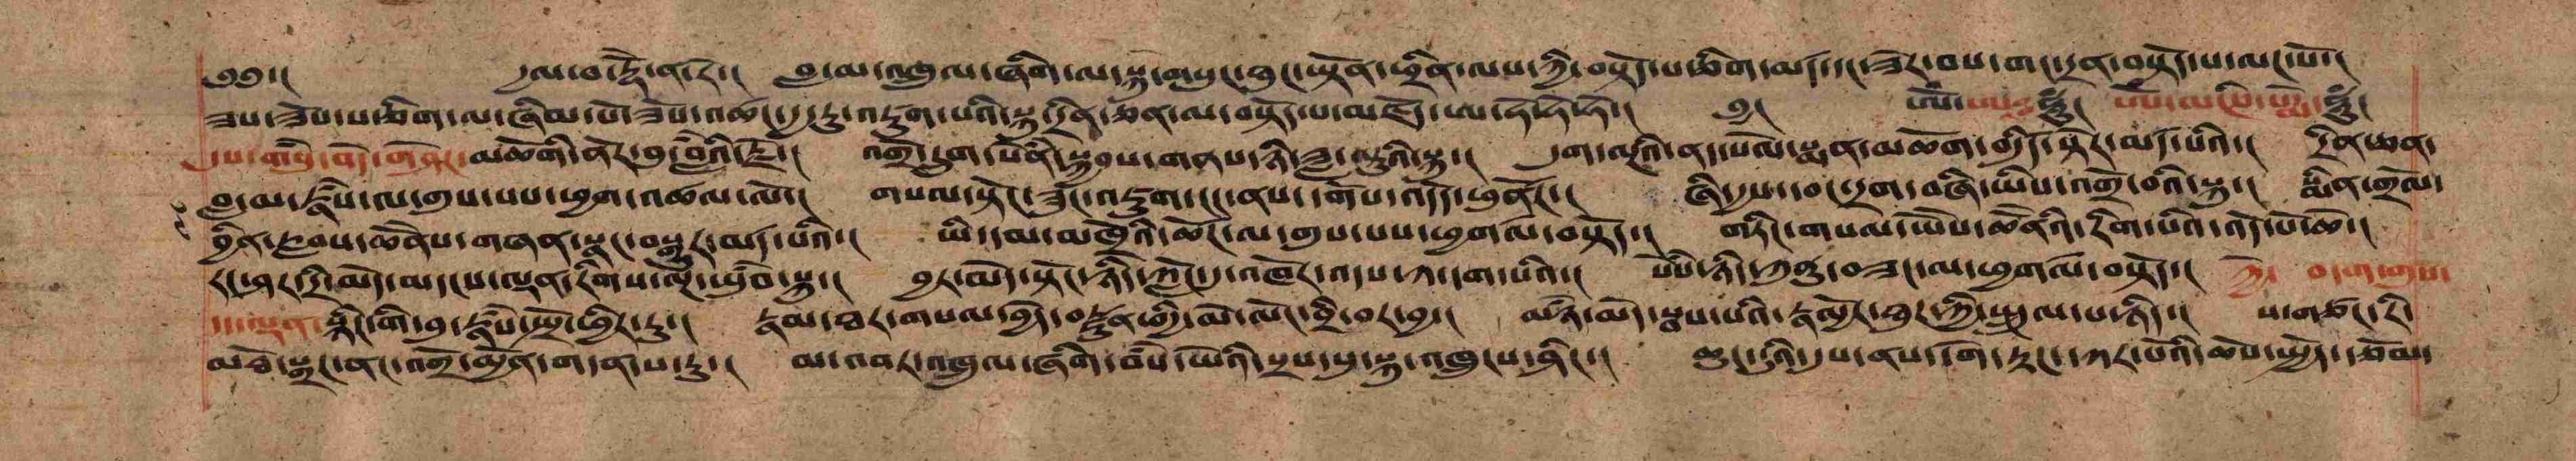༄༅་། རྒྱལ་བ་རྡོ་རྗེ་ན་རེ། བླ་མ་འཁྲུལ་ཞིག་ལ་སྐུ་གསུང་ཐུགས་ཡོན་ཏན་ཕྲིན་ལས་ཀྱི་བསྟོད་པ་ཅིག་མཛད་དང་ཟེར་བས་གང་དྲན་བསྟོད་པ་མང་པོ། 
ཟས་ཟོས་པ་ཅིག་ལ་ཞིམ་པོ་ཟོས་འཚང་རྒྱ་རུ་འཇུག་པའི་སྐུ་དྲིན་ཅན་ལ་བསྟོད་པ་མཛོད་ཨ་ཧེ་ཧེ་ཧེ།༄། ཨོཾ་ཨཿཧཱུཾ། ཨོཾ་མ་ཎི་པདྨེ་ཧཱུཾ། 
དུས་གསུམ་བདེ་གཤེགས་མཆོག་གི་ནོར་བུ་བླ་མའི་རྗེ། འགྲོ་དྲུག་སེམས་ཅན་སྐྱབས་གནས་ཉི་ཟླ་ལྟ་བུའི་སྐུ། དུག་ལྔའི་ནད་སེལ་སྨན་མཆོག་བདུད་རྩི་སྟེར་མཛད་པའི། དྲིན་ཆེན་
བླ་མ་རྣམས་ལ་གུས་པས་ཕྱག་འཚལ་ལོ། གསལ་སྟོང་ཟུང་འཇུག་ངང་ནས་དགོས་འདོད་ཕུན་ཚོགས་དང་། ཞི་རྒྱས་དབང་གྲག་བཞི་ཡིས་འགྲོ་བའི་སྐུ། སྨིན་གྲོལ་
བྱིན་རླབས་ཆེན་པོས་གཞན་སྣང་བསྒྱུར་མཛད་པའི། ཡི་དམ་མཁའ་འགྲོའི་ཚོགས་ལ་གུས་པས་ཕྱག་འཚལ་བསྟོད། གཏིང་གསལ་ཡེ་ཤེས་ཆེན་པོའི་རིག་པའི་འོད་པོ་ཆེ། 
རང་ཤར་དྲི་མེད་མདངས་ལྡན་རིགས་ལྔ་ཡབ་ཡུམ་སྐུ། བྱར་མེད་སྟོང་ཉིད་ཀློང་དུ་འཁོར་འདས་ཀ་དག་པའི། སེམས་ཉིད་ཀུན་ཏུ་བཟང་ལ་ཕྱག་འཚལ་བསྟོད། ཀྱེ་བདག་གུས་
དད་ལྡན་སྣིང་གི་བུ་རྣམས་སྤྲོ་ཕྱིར་རུ། རྣམ་ཐར་གསལ་བྱེད་བརྫུན་གྱི་མེ་ལོང་བྲི་བར་བྱ། མཉམ་མེད་སྦས་པའི་རྣལ་འབྱོར་ཐུགས་ཀྱི་སྤྲུལ་པ་ཉིད། ས་གཙང་རི་
མཐོ་སྒྲགས་ནང་འགྲོ་མྱོན་གདན་ས་རུ། མ་འབར་འཁྲུལ་ཞིག་བསམ་ཡོའི་སྲས་སུ་སྐུ་འཁྲུངས་ཤིང་། ཆུང་ངུའི་དུས་ནས་དགེ་རྟགས་དཀར་པོའི་ཆོས་སྤྱོད་རྩོམ་